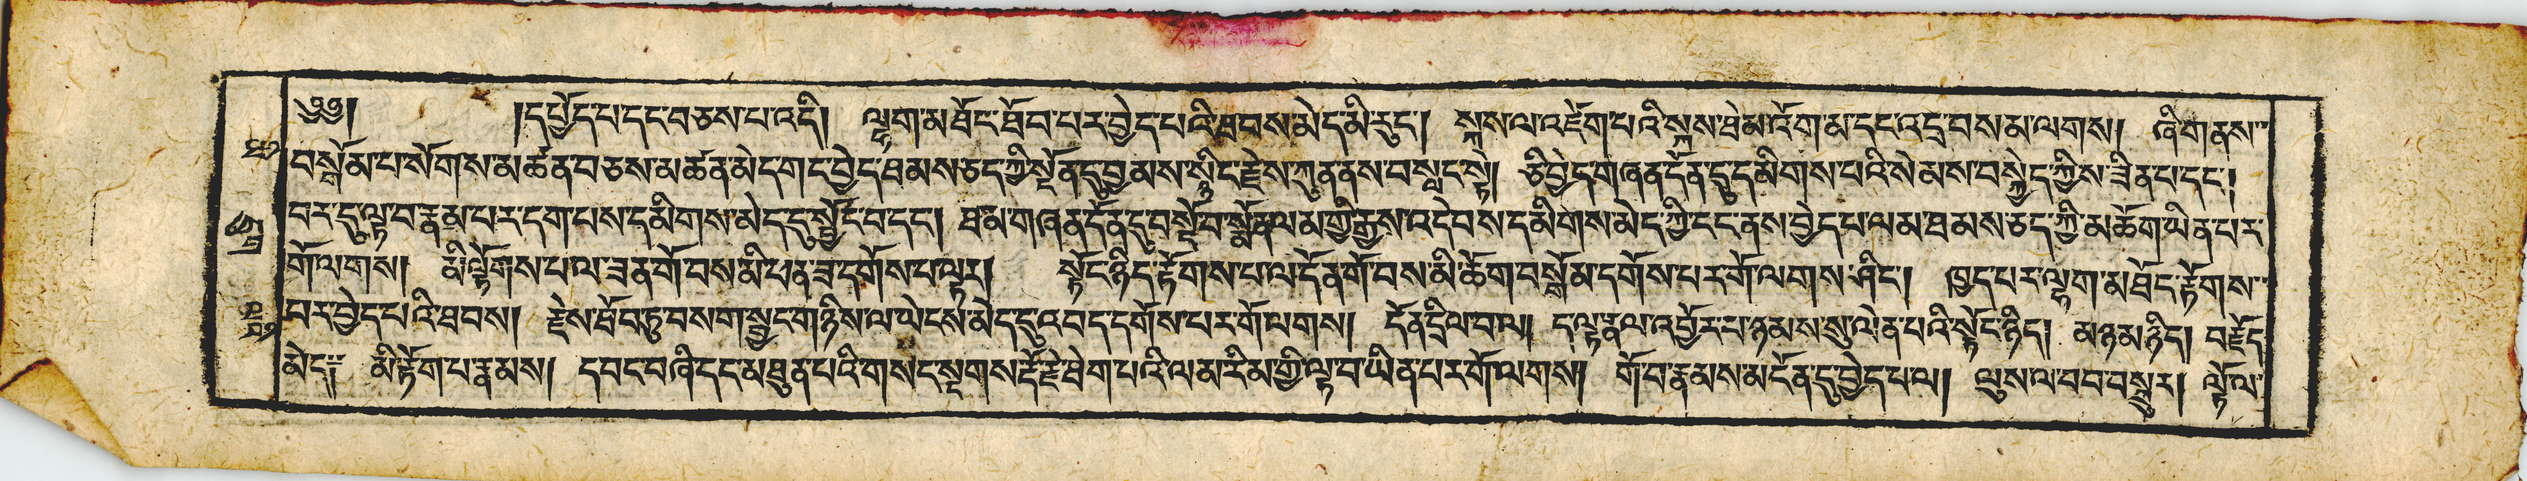དཔྱོད་པ་དང་བཅས་པ་འདི། ལྷག་མཐོང་ཐོབ་པར་བྱེད་པའི་ཐབས་མེད་མི་རུང་། སྐས་ལ་འཛེག་པའི་སྐས་ཐེམ་འོག་མ་དང་འདྲ་བསམ་ལགས། ཞི་གནས་
བསྒོམ་པ་སོགས་མཚན་བཅས་མཚན་མེད་གང་བྱེད་ཐམས་ཅད་ཀྱི་སྔོན་དུ་བྱམས་སྙིང་རྗེས་ཀུན་ནས་བསླང་སྟེ། ཅི་བྱེད་གཞན་དོན་དུ་དམིགས་པའི་སེམས་བསྐྱེད་ཀྱིས་ཟིན་པ་དང་། 
བར་དུ་ལྟ་བ་རྣམ་པར་དག་པས་དམིགས་མེད་དུ་སྦྱོང་བ་དང་། ཐ་མ་གཞན་དོན་དུ་བསྡོ་བ་སྨོན་ལམ་གྱི་རྒྱས་འདེབས་དམིགས་མེད་ཀྱི་ངང་ནས་བྱེད་པ་ལམ་ཐམས་ཅད་ཀྱི་མཆོག་ཡིན་པར་
གོ་ལགས། མི་ལྟོགས་པ་ལ་ཟན་གོ་བས་མི་ཕན་ཟ་དགོས་པ་ལྟར། སྟོང་ཉིད་རྟོགས་པ་ལ་དོན་གོ་བས་མི་ཆོག་བསྒོམ་དགོས་པར་གོ་ལགས་ཤིང་། ཁྱད་པར་ལྷག་མཐོང་རྟོགས་
པར་བྱེད་པའི་ཐབས། རྗེས་ཐོབ་ཏུ་བསག་སྦྱང་གཉིས་ལ་ཡེངས་མེད་དུ་འབད་དགོས་པར་གོ་ལགས། དོན་དྲིལ་བ་ལ། ད་ལྟ་རྣལ་འབྱོར་པ་ཉམས་སུ་ལེན་པའི་སྟོང་ཉིད། མཉམཉིད། བརྗོད
མེད༑ མི་རྟོག་པ་རྣམས། དབང་བཞི་དང་མཐུན་པའི་གསང་སྔགས་རྡོ་རྗེ་ཐེག་པའི་ལམ་རིམ་གྱི་ལྟ་བ་ཡིན་པར་གོ་ལགས། གོ་བ་རྣམས་མངོན་དུ་བྱེད་པ་ལ། ལུས་ལ་བབ་བསྒྱུར། ལྟོ་ལ་